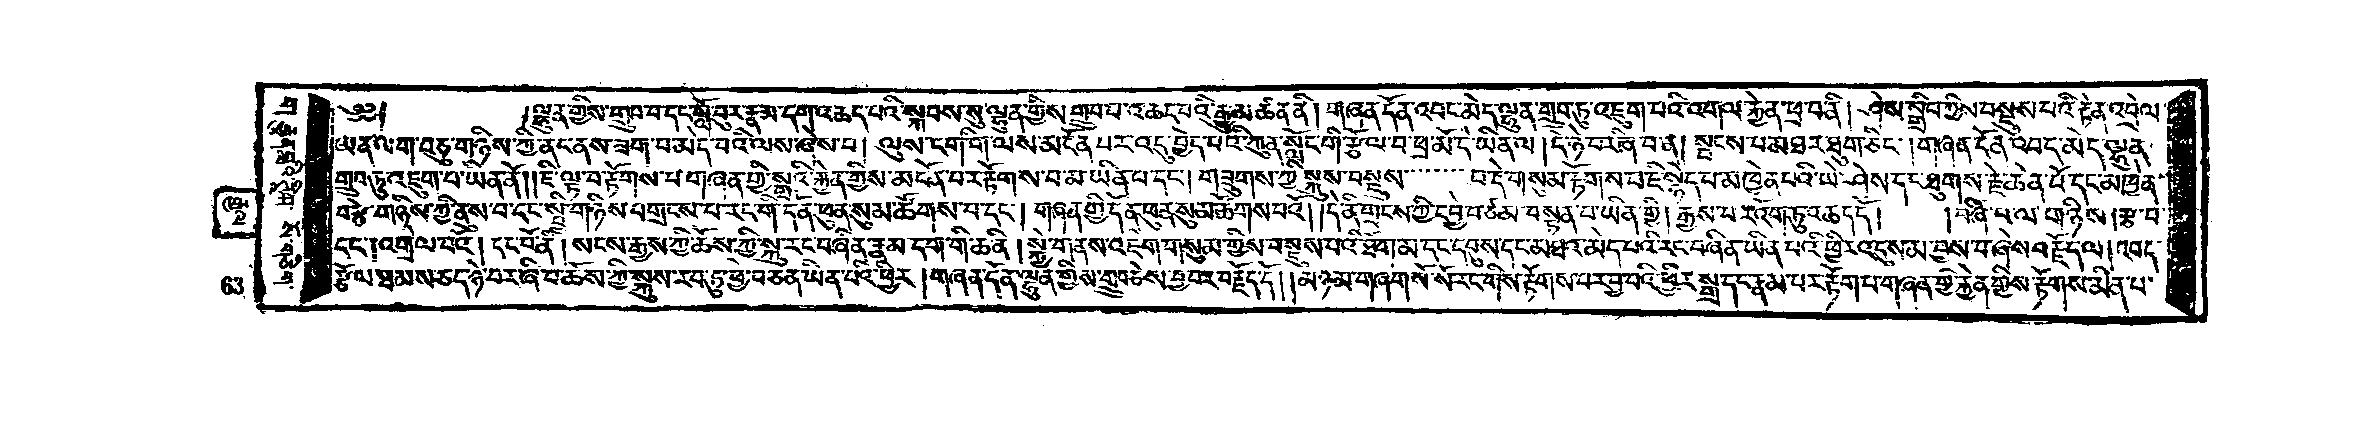༄༅། །ལྷུན་གྱིས་གྲུབ་པ་དང་གློ་བུར་རྣམ་དག་འཆད་པའི་སྐབས་སུ་ལྷུན་གྱིས་གྲུབ་པ་འཆད་པའི་རྒྱུ་མཚན་ནི། གཞན་དོན་འབད་མེད་ལྷུན་གྲུབ་ཏུ་འཇུག་པའི་འགལ་རྐྱེན་ཕྲ་བ་ནི། ཤེས་སྒྲིབ་ཀྱིས་བསྡུས་པའི་རྟེན་འབྲེལ་
ཡན་ལག་བཅུ་གཉིས་ཀྱི་ནང་ནས་ཟག་པ་མེད་པའི་ལས་ཞེས་པ། ལུས་ངག་གི་ལས་མངོན་པར་འདུ་བྱེད་པའི་ཀུན་སློང་གི་རྩོལ་བ་ཕྲ་མོ་དེ་ཡིན་ལ། དེ་ཉེ་བར་ཞི་བ་ན། སྤངས་པ་མཐར་ཐུག་ཅིང་། གཞན་དོན་འབད་མེད་ལྷུན་
གྲུབ་ཏུ་འཇུག་པ་ཡིན་ནོ། །ཇི་ལྟ་བ་རྟོགས་པ་གཞན་གྱི་སྒྲའི་རྐྱེན་གྱིས་མངོན་པར་རྟོགས་པ་མ་ཡིན་པ་དང་། གཟུགས་ཀྱི་སྐུས་བསྡུས་པ་དེ་གསུམ་རྟོགས་པ་ཇི་སྙེད་པ་མཁྱེན་པའི་ཡེ་ཤེས་དང་ཐུགས་རྗེ་ཆེན་པོ་དང་མཁྱེན་
བརྩེ་གཉིས་ཀྱི་ནུས་པ་དང་སྤྱི་གཉིས་པ་གྲངས་པ་རང་གི་དོན་ཕུན་སུམ་ཚོགས་པ་དང་། གཞན་གྱི་དོན་ཕུན་སུམ་ཚོགས་པའོ། །དེ་ནི་གྲངས་ཀྱི་དབྱེ་བ་ཙམ་བསྟན་པ་ཡིན་གྱི། རྒྱས་པར་འོག་ཏུ་འཆད་དོ། །བཞི་པ་ལ་གཉིས། རྩ་བ་
དང༑ འགྲེལ་པའོ། དང་པོ་ནི། སངས་རྒྱས་ཀྱི་ཆོས་ཀྱི་སྐུ་རང་བཞིན་རྣམ་དག་གི་ཆ་ནི། སྐྱེ་གནས་འཇིག་གསུམ་གྱིས་བསྡུས་པའི་ཐོག་མ་དང་དབུས་དང་མཐའ་མེད་པའི་རང་བཞིན་ཡིན་པའི་ཕྱིར་འདུས་མ་བྱས་པ་ཞེས་བརྗོད་ལ། འབད་
རྩོལ་ཐམས་ཅད་ཉེ་བར་ཞི་བ་ཆོས་ཀྱི་སྐུས་རབ་ཏུ་ཕྱེ་བ་ཅན་ཡིན་པའི་ཕྱིར། གཞན་དོན་ལྷུན་གྱིས་གྲུབ་ཅེས་བྱ་བར་བརྗོད་དོ། །མཉམ་གཞག་སོ་སོ་རང་གིས་རྟོགས་པར་བྱ་བའི་ཕྱིར་སྒྲ་དང་རྣམ་པར་རྟོག་པ་གཞན་གྱི་རྐྱེན་གྱིས་རྟོགས་མིན་པ་